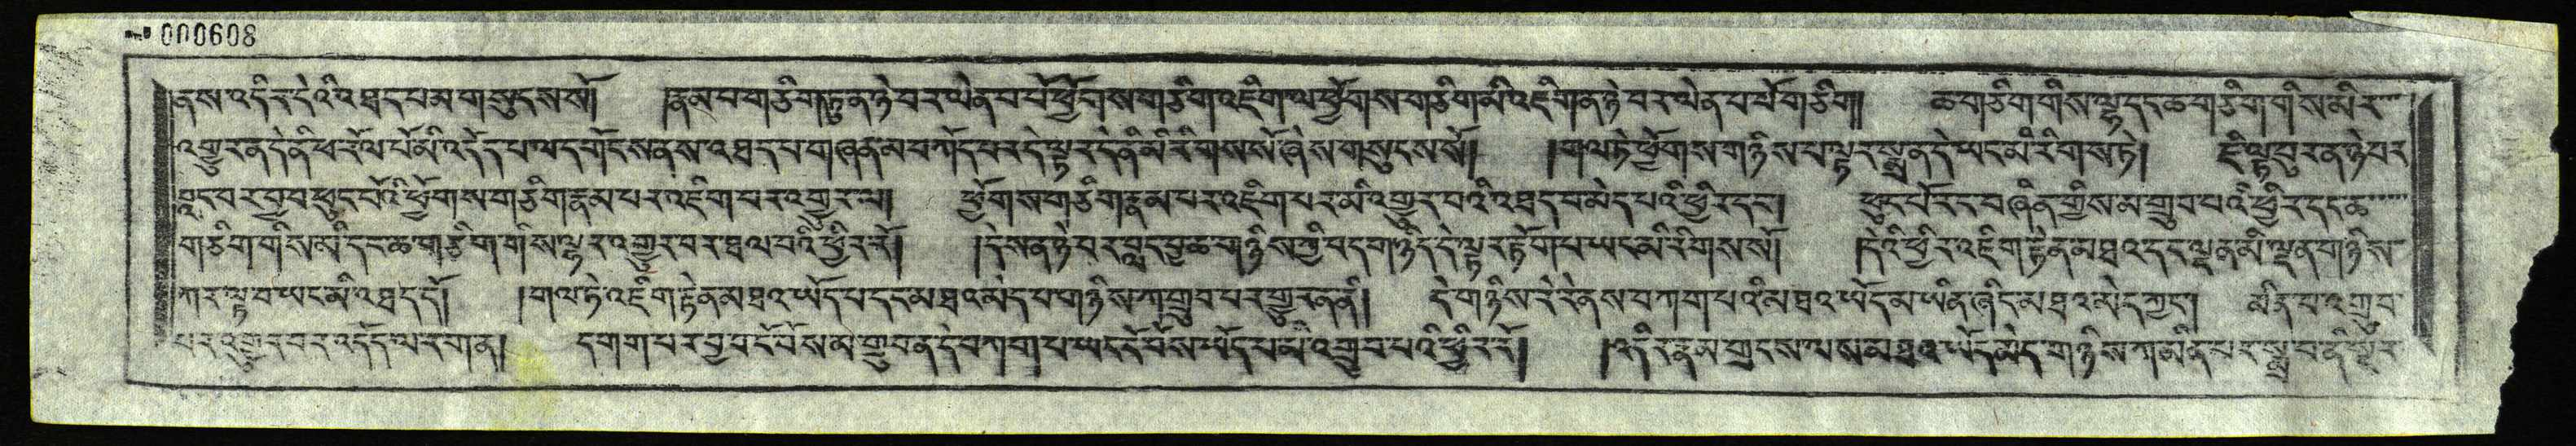ནས་འདིར་དེའི་འཐད་པ་མ་གསུངས་སོ། །རྣམ་པ་གཅིག་ཏུ་ན་ཉེ་བར་ལེན་པ་པོ་ཕྱོགས་གཅིག་འཇིག་ལ་ཕྱོགས་གཅིག་མི་འཇིག་ན་ཉེ་བར་ལེན་པ་པོ་གཅིག། ཆ་གཅིག་གིས་ལྷ་དང་ཆ་གཅིག་གིས་མིར་
འགྱུར་ན་དེ་ནི་ཕ་རོལ་པོ་མི་འདོད་པ་ལ་དགོངས་ནས་འཐད་པ་གཞན་མ་བཀོད་པར་དེ་ལྟར་དེ་ནི་མི་རིགས་སོ་ཞེས་གསུངས་སོ། །གལ་ཏེ་ཕྱོགས་གཉིས་པ་ལྟར་སྨྲ་ན་དེ་ཡང་མི་རིགས་ཏེ། ཇི་ལྟ་བུར་ན་ཉེ་པར་
བླང་བར་བྱ་བ་ཕུང་པོའི་ཕྱོགས་གཅིག་རྣམ་པར་འཇིག་པར་འགྱུར་ལ། ཕྱོགས་གཅིག་རྣམ་པར་འཇིག་པར་མི་འགྱུར་བའི་འཐད་པ་མེད་པའི་ཕྱིར་དང་། ཕུང་པོ་རང་བཞིན་གྱིས་མ་གྲུབ་པའི་ཕྱིར་དང་ཆ་
གཅིག་གིས་མི་དང་ཆ་གཅིག་གིས་ལྷར་འགྱུར་བར་ཐལ་བའི་ཕྱིར་རོ། །དེས་ན་ཉེ་བར་བླང་བྱ་ཆ་གཉིས་ཀྱི་བདག་ཉིད་དེ་ལྟར་རྟོག་པ་ཡང་མི་རིགས་སོ། །དེའི་ཕྱིར་འཇིག་རྟེན་མཐའ་དང་ལྡན་མི་ལྡན་གཉིས་
ཀར་ལྟ་བ་ཡང་མི་འཐད་དོ། །གལ་ཏེ་འཇིག་རྟེན་མཐའ་ཡོད་པ་དང་མཐའ་མེད་པ་གཉིས་ཀ་གྲུབ་པར་གྱུར་ན་ནི། དེ་གཉིས་རེ་རེ་ནས་བཀག་པའི་མཐའ་ཡོད་མ་ཡིན་ཞིང་མཐའ་མེད་ཀྱང་། མིན་པ་འགྲུབ་
པར་འགྱུར་བར་འདོད་ལ་རག་ན། དགག་པར་བྱ་བ་ངོ་བོས་མ་གྲུབ་ན་དེ་བཀག་པ་ཡང་ངོ་བོས་ཡོད་པ་མི་འགྲུབ་པའི་ཕྱིར་རོ། །འདིར་རྣམ་གྲངས་ལས་མཐའ་ཡོད་མེད་གཉིས་ཀ་མིན་པར་སྨྲ་བ་ནི་སྔར་